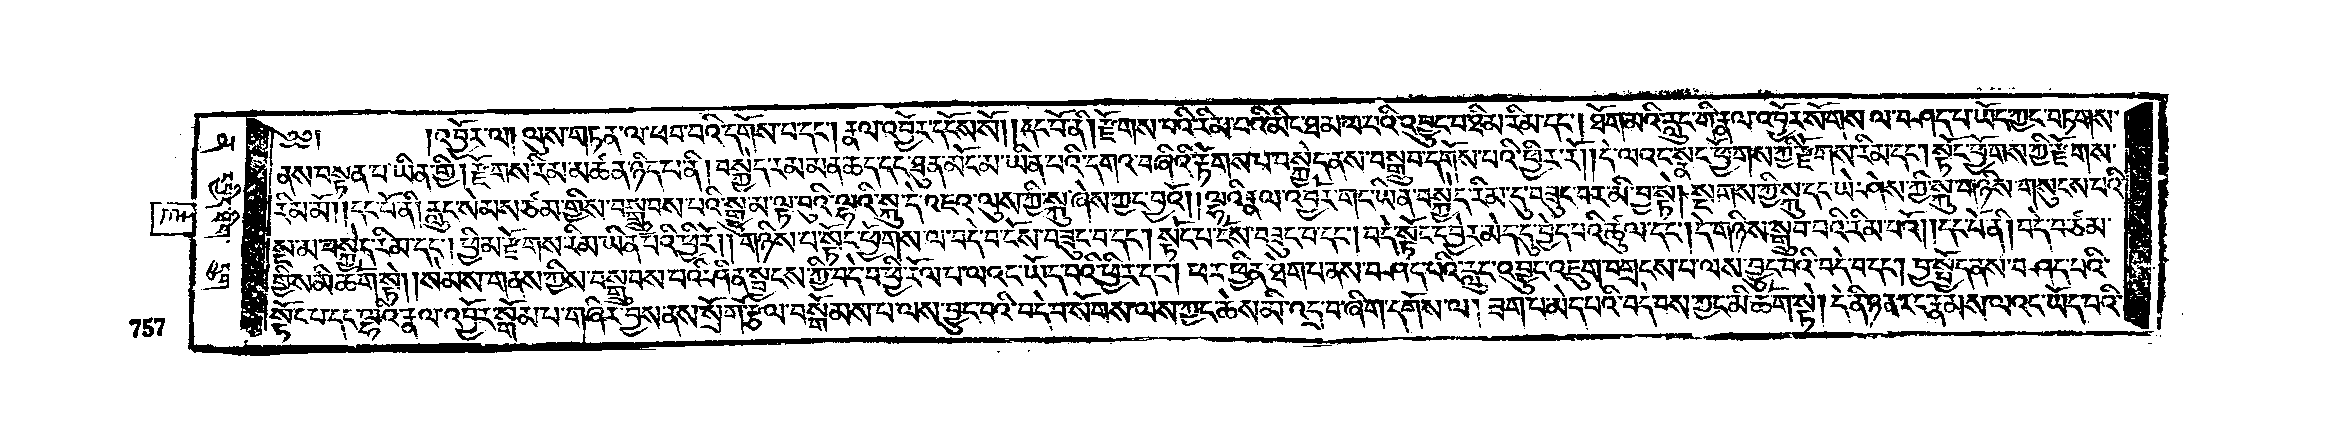༄༅། །འབྱོར་ལ། ལུས་གཏན་ལ་ཕབ་པའི་དགོས་པ་དང་། རྣལ་འབྱོར་དངོས་སོ། །དང་པོ་ནི། རྫོགས་པའི་རིམ་པའི་མིང་ཐ་མལ་བའི་འབྱུང་བ་ཐིམ་རིམ་དང་། ཐོག་མའི་རླུང་གི་རྣལ་འབྱོར་སོགས་ལ་བཤད་པ་ཡོད་ཀྱང་བཏགས་
ནས་བསྟན་པ་ཡིན་གྱི། རྫོགས་རིམ་མཚན་ཉིད་པ་ནི། བསྐྱེད་རིམ་མན་ཆད་དང་ཐུན་མོང་མ་ཡིན་པའི་དགའ་བཞིའི་རྟོགས་པ་བསྐྱེད་ནས་བསྒྲུབ་དགོས་པའི་ཕྱིར་རོ། །དེ་ལའང་སྣང་ཕྱོགས་ཀྱི་རྫོགས་རིམ་དང་། སྟོང་ཕྱོགས་ཀྱི་རྫོགས་
རིམ་མོ། །དང་པོ་ནི། རླུང་སེམས་ཙམ་གྱིས་བསྒྲུབས་པའི་སྒྱུ་མ་ལྟ་བུའི་ལྷའི་སྐུ་དེ་འཇའ་ལུས་ཀྱི་སྐུ་ཞེས་ཀྱང་བྱའོ། །ལྷའི་རྣལ་འབྱོར་གང་ཡིན་བསྐྱེད་རིམ་དུ་བཟུང་བར་མི་བྱ་སྟེ། སྔགས་ཀྱི་སྐུ་དང་ཡེ་ཤེས་ཀྱི་སྐུ་གཉིས་གསུངས་པའི་
སྔ་མ་བསྐྱེད་རིམ་དང་། ཕྱི་མ་རྫོགས་རིམ་ཡིན་པའི་ཕྱིར་རོ། །གཉིས་པ་སྟོང་ཕྱོགས་ལ་བདེ་བ་ངོས་བཟུང་བ་དང་། སྟོང་པ་ངོས་བཟུང་བ་དང་། བདེ་སྟོང་དབྱེར་མེད་དུ་བྱེད་པའི་ཚུལ་དང་། དེ་གཉིས་སྒྲུབ་པའི་རིམ་པའོ། །དང་པོ་ནི། བདེ་བ་ཙམ་
གྱིས་མི་ཆོག་སྟེ། །སེམས་གནས་ཀྱིས་བསྒྲུབས་པའི་ཤིན་སྦྱངས་ཀྱི་བདེ་བ་ཕྱི་རོལ་པ་ལའང་ཡོད་པའི་ཕྱིར་དང་། ཕར་ཕྱིན་ཐེག་པ་ནས་བཤད་པའི་རླུང་འབྱུང་འཇུག་བགྲངས་པ་ལས་བྱུང་བའི་བདེ་བ་དང་། བྱ་སྤྱོད་ནས་བཤད་པའི་
སྟོང་པ་དང་ལྷའི་རྣལ་འབྱོར་སྒོམ་པ་གཞིར་བྱས་ནས་སྲོག་རྩོལ་བསྒོམས་པ་ལས་བྱུང་བའི་བདེ་བ་སོགས་ལས་ཀྱང་ཆེས་མི་འདྲ་བ་ཞིག་དགོས་ལ། ཟག་པ་མེད་པའི་བདེ་བས་ཀྱང་མི་ཆོག་སྟེ། དེ་ནི་ཉན་རང་རྣམས་ལའང་ཡོད་པའི་